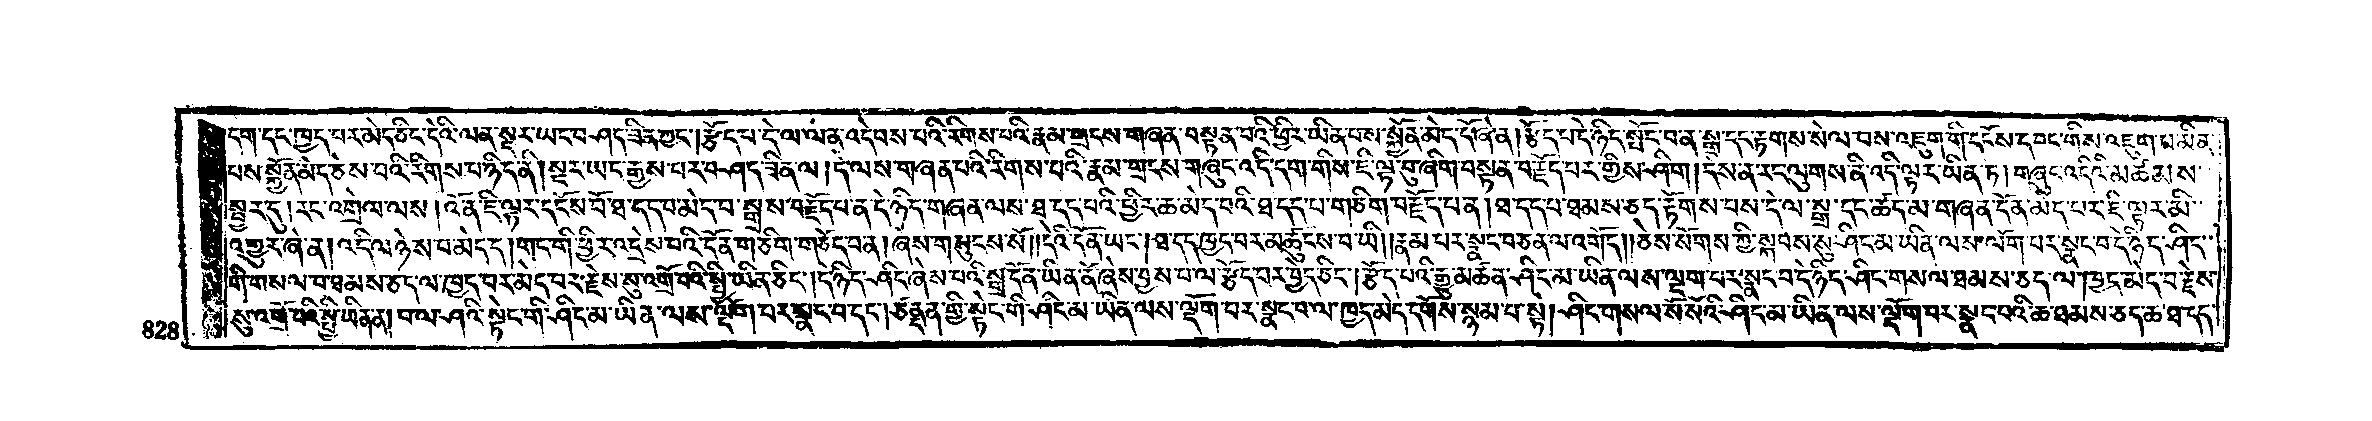དག་དང་ཁྱད་པར་མེད་ཅིང་དེའི་ལན་སྔར་ཡང་བཤད་ཟིན་ཀྱང་། རྩོད་པ་དེ་ལ་ལན་འདེབས་པའི་རིགས་པའི་རྣམ་གྲངས་གཞན་བསྟན་པའི་ཕྱིར་ཡིན་པས་སྐྱོན་མེད་དོ་ཞེ་ན། རྩོད་པ་དེ་ཉིད་སྤོང་བ་ན་སྒྲ་དང་རྟགས་སེལ་བས་འཇུག་གི་དངོས་དབང་གིས་འཇུག་པ་མིན་
པས་སྐྱོན་མེད་ཅེས་པའི་རིགས་པ་ཉིད་ནི། སྔར་ཡང་རྒྱས་པར་བཤད་ཟིན་ལ། དེ་ལས་གཞན་པའི་རིགས་པའི་རྣམ་གྲངས་གཞུང་འདི་དག་གིས་ཇི་ལྟ་བུ་ཞིག་བསྟན་བརྗོད་པར་གྱིས་ཤིག། དེས་ན་རང་ལུགས་ནི་འདི་ལྟར་ཡིན་ཏེ། གཞུང་འདིའི་མཚམས་
སྦྱར་དུ། རང་འགྲེལ་ལས། འོ་ན་ཇི་ལྟར་དངོས་པོ་ཐ་དད་པ་མེད་པ་སྒྲས་བརྗོད་པ་ན་དེ་ཉིད་གཞན་ལས་ཐ་དད་པའི་ཕྱིར་ཆ་མེད་པའི་ཐ་དད་པ་གཅིག་བརྗོད་པ་ན། ཐ་དད་པ་ཐམས་ཅད་རྟོགས་པས་དེ་ལ་སྒྲ་དང་ཚད་མ་གཞན་དོན་མེད་པར་ཇི་ལྟར་མི་
འགྱུར་ཞེ་ན། འདི་ལ་ཉེས་པ་མེད་དེ། གང་གི་ཕྱིར་འདྲེས་པའི་དོན་གཅིག་གཅོད་པ་ན། ཞེས་གསུངས་སོ། །དེའི་དོན་ཡང་། ཐ་དད་ཁྱད་པར་མཚུངས་པ་ཡི། །རྣམ་པར་སྣང་བ་ཅན་ལ་འགོད། །ཅེས་སོགས་ཀྱི་སྐབས་སུ་ཤིང་མ་ཡིན་ལས་ལོག་པར་སྣང་བ་དེ་ཉིད་ཤིང་
གི་གསལ་བ་ཐམས་ཅད་ལ་ཁྱད་པར་མེད་པར་རྗེས་སུ་འགྲོ་བའི་སྤྱི་ཡིན་ཅིང་། དེ་ཉིད་ཤིང་ཞེས་པའི་སྒྲ་དོན་ཡིན་ནོ་ཞེས་བྱས་པ་ལ་རྩོད་པར་བྱེད་ཅིང་། རྩོད་པའི་རྒྱུ་མཚན་ཤིང་མ་ཡིན་ལས་ལྡོག་པར་སྣང་བ་དེ་ཉིད་ཤིང་གསལ་ཐམས་ཅད་ལ་ཁྱད་མེད་པ་རྗེས་
སུ་འགྲོ་བའི་སྤྱི་ཡིན་ན། པལ་ཤའི་སྟེང་གི་ཤིང་མ་ཡིན་ལས་ལྡོག་པར་སྣང་བ་དང་། ཙནདན་གྱི་སྟེང་གྷི་ཤིང་མ་ཡིན་ལས་ལྡོག་པར་སྣང་བ་ལ་ཁྱད་མེད་དགོས་སྙམ་པ་སྟེ། ཤིང་གསལ་སོ་སོའི་ཤིང་མ་ཡིན་ལས་ལྡོག་པར་སྣང་བའི་ཆ་ཐམས་ཅད་ཆ་ཐ་དད་